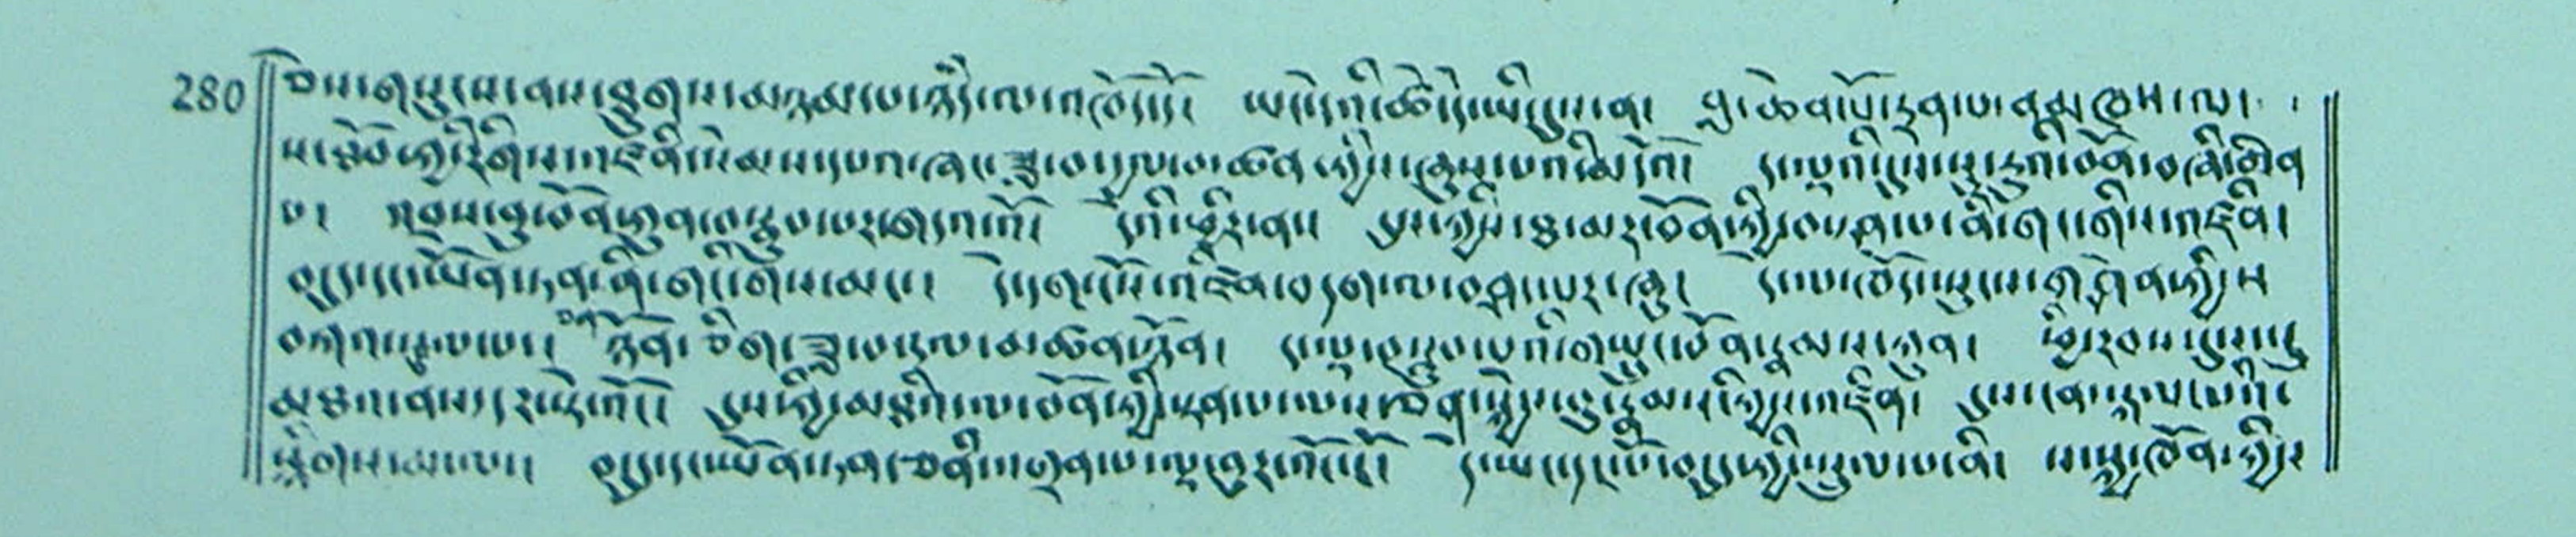ཅེས་གསུངས་ནས། ཐུགས་མཉམ་པ་ཉིད་ལ་འཁོད་དོ། །ཡང་དེའི་ཚེ་དེ་ཡི་དུས་ན། བླ་ཆེན་པོ་དྲན་པ་ནམ་མཁའ་ལ། 
ས་ཐོབ་ཀྱི་རིགས་འཛིན་སེམས་དཔའ་ཞང་ཟླ་བ་རྒྱལ་མཚན་གྱིས་ཞུས་པའི་མདོའ། ད་ལྟའི་དུས་སུ་རྒྱུའི་བོན་བཞི་མིན་
པ། འབྲས་བུའི་བོན་ཀུན་བསྣུབ་པར་གདའ་འོ། །དེའི་ཕྱིར་ན། དུས་ཀྱི་ཐ་མར་བོན་གྱི་བསྟན་པ་ནི་གང་གིས་འཛིན། 
བདུད་དང་ཡོན་ཏན་ནི་གང་གིས་མང་། དེ་དག་ངོས་འཛིན་བདག་ལ་བཤད་པར་ཞུ། དེ་ལ་ཁོད་སྤུངས་གཤེན་གྱིས་
བཀའ་སྩལ་པ། ཉོན་ཅིག་ཟླ་བ་རྒྱལ་མཚན་ཉོན། ད་ལྟ་བསྣུབ་པའི་གཡུང་དྲུང་བོན་རྣམས་ཀུན། ཕྱི་རབས་དུས་སུ་
མཐའ་ནས་དར་ཏེ་འོང་། དུས་ཀྱི་མཐའི་ལ་བོན་གྱི་བསྟན་པ་ལས་ཅན་སྐྱེས་བུ་རྣམས་ཀྱིས་འཛིན། དུས་ངན་བསྐལ་བའི་
སྙིགས་མ་ལ། བདུད་དང་ཡོན་ཏན་ཅན་ནི་འགྲན་པ་ལྟ་བུར་འོང་། དེ་ཡང་དང་པོ་བདུད་ཀྱི་སྤྲུལ་པ་ནི། ས་སྐྱའི་ཁོན་གྱི་